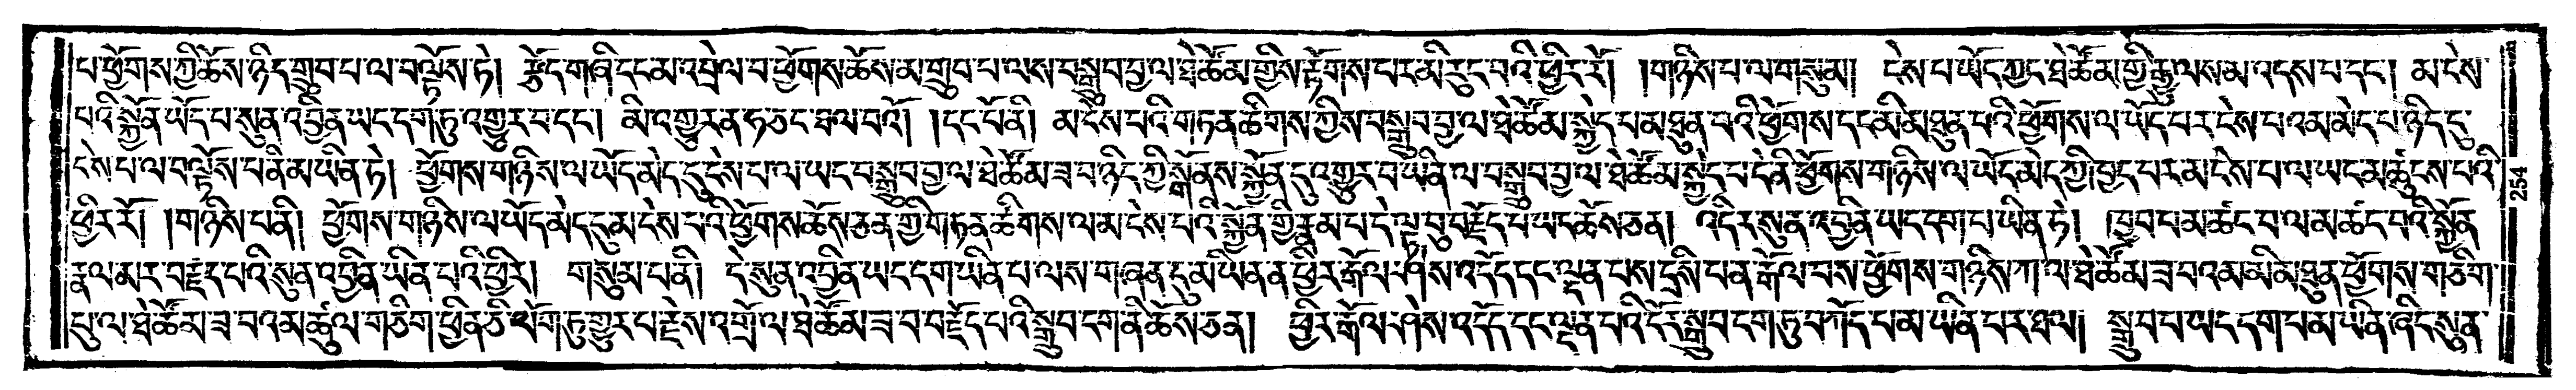པ་ཕྱོགས་ཀྱི་ཆོས་ཉིད་གྲུབ་པ་ལ་བལྟོས་ཏེ། རྩོད་གཞི་དང་མ་འབྲེལ་བ་ཕྱོགས་ཆོས་མ་གྲུབ་པ་ལས་བསྒྲུབ་བྱ་ལ་ཐེ་ཚོམ་གྱིས་རྟོགས་པར་མི་རུང་བའི་ཕྱིར་རོ། །གཉིས་པ་ལ་གསུམ། ངེས་པ་ཡོད་ཀྱང་ཐེ་ཚོམ་གྱི་རྒྱུ་ལས་མ་འདས་པ་དང་། མ་ངེས་
པའི་སྐྱོན་ཡོད་པ་སུན་འབྱིན་ཡང་དག་ཏུ་འགྱུར་བ་དང་། མི་འགྱུར་ན་ཧ་ཅང་ཐལ་བའོ། །དང་པོ་ནི། མ་ངེས་པའི་གཏན་ཚིགས་ཀྱིས་བསྒྲུབ་བྱ་ལ་ཐེ་ཚོམ་སྐྱེད་པ་མཐུན་པའི་ཕྱོགས་དང་མི་མཐུན་པའི་ཕྱོགས་ལ་ཡོད་པར་ངེས་པའམ་མེད་པ་ཉིད་དུ་
ངེས་པ་ལ་བལྟོས་པ་ནི་མ་ཡིན་ཏེ། ཕྱོགས་གཉིས་ལ་ཡོད་མེད་དུ་ངེས་པ་ལ་ཡང་བསྒྲུབ་བྱ་ལ་ཐེ་ཚོམ་ཟ་བ་ཉིད་ཀྱི་སྒོ་ནས་སྐྱོན་དུ་འགྱུར་བ་ཡིན་ལ་བསྒྲུབ་བྱ་ལ་ཐེ་ཚོམ་སྐྱེད་པ་དེ་ནི་ཕྱོགས་གཉིས་ལ་ཡོད་མེད་ཀྱི་ཁྱད་པར་མ་ངེས་པ་ལ་ཡང་མཚུངས་པའི་
ཕྱིར་རོ། །གཉིས་པ་ནི། ཕྱོགས་གཉིས་ལ་ཡོད་མེད་དུ་མ་ངེས་པའི་ཕྱོགས་ཆོས་ཅན་གྱི་གཏན་ཚིགས་ལ་མ་ངེས་པའི་སྐྱོན་གྱི་རྣམ་པ་དེ་ལྟ་བུ་བརྗོད་པ་ཡང་ཆོས་ཅན། འདིར་སུན་འབྱིན་ཡང་དག་པ་ཡིན་ཏེ། ཁྱབ་པ་མ་ཚང་བ་ལ་མཚང་བའི་སྐྱོན་
རྣལ་མར་བརྗད་པའི་སུན་འབྱིན་ཡིན་པའི་ཕྱིར། གསུམ་པ་ནི། དེ་སུན་འབྱིན་ཡང་དག་ཡིན་པ་ལས་གཞན་དུ་མ་ཡིན་ན་ཕྱིར་རྒོལ་ཤེས་འདོད་དང་ལྡན་པས་དྲིས་པ་ན་རྒོལ་བས་ཕྱོགས་གཉིས་ཀ་ལ་ཐེ་ཚོམ་ཟ་བའམ་མི་མཐུན་ཕྱོགས་གཅིག་
པུ་ལ་ཐེ་ཚོམ་ཟ་བའམ་ཚུལ་གཅིག་ཕྱིན་མི་ཅི་ལོག་ཏུ་གྱུར་པ་རྗེས་འགྲོ་ལ་ཐེ་ཚོམ་ཟ་བ་བརྗོད་པའི་སྒྲུབ་ངག་ནི་ཆོས་ཅན། ཕྱིར་རྒོལ་ཤེས་འདོད་དང་ལྡན་པའི་ངོར་སྒྲུབ་ངག་ཏུ་བཀོད་པ་མ་ཡིན་པར་ཐལ། སྒྲུབ་པ་ཡང་དག་པ་མ་ཡིན་ཞིང་སུན་